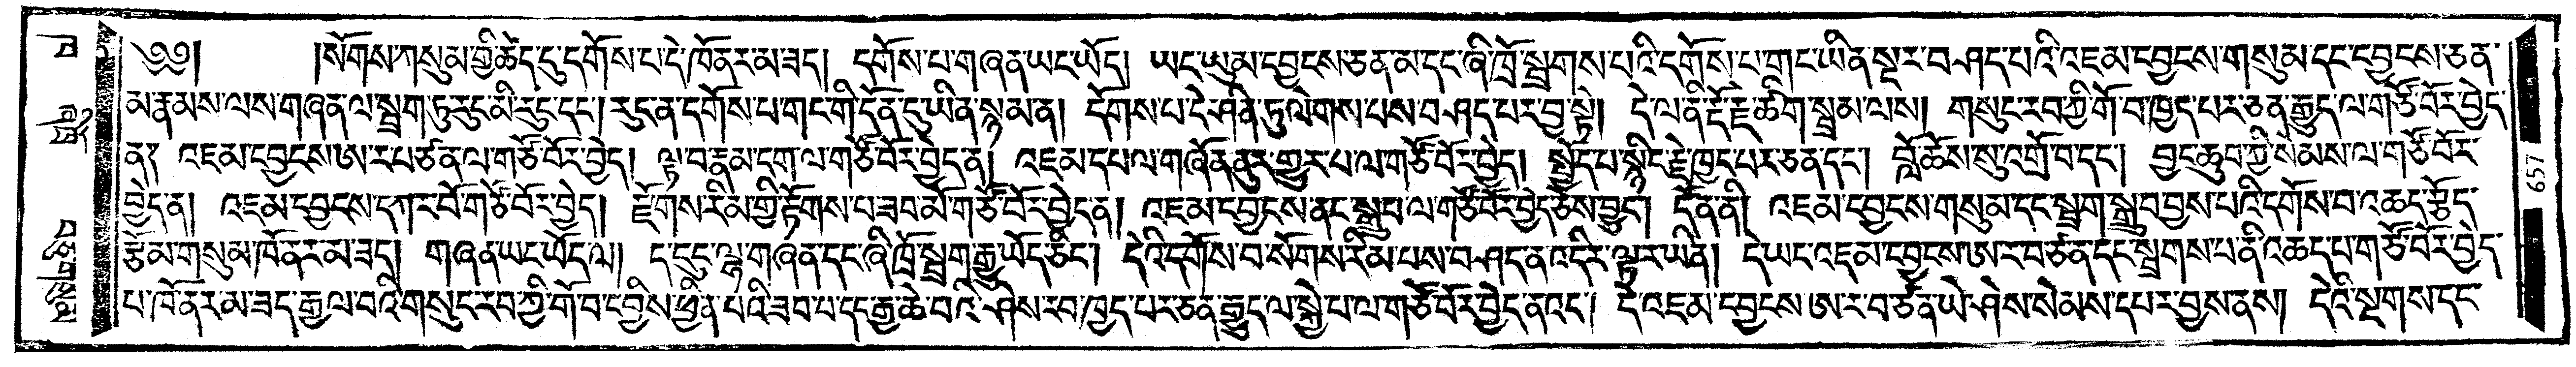༄༅། །སོགས་གསུམ་གྱི་ཆེད་དུ་དགོས་པ་དེ་ཁོ་ནར་མ་ཟད། དགོས་པ་གཞན་ཡང་ཡོད། ཡང་ཡུམ་དབྱངས་ཅན་མ་དང་ཞི་ཁྲོ་སྦྲགས་པའི་དགོས་པ་གང་ཡིན་སྔར་བཤད་པའི་འཇམ་དབྱངས་གསུམ་དང་དབྱངས་ཅན་
མ་རྣམས་ལས་གཞན་ལ་སྦྲག་ཏུ་རུང་མི་རུང་དང་། རུང་ན་དགོས་པ་གང་གི་དོན་དུ་ཡིན་སྙམ་ན། དོགས་པ་དེ་ཤིན་ཏུ་ལེགས་པས་བཤད་པར་བྱ་སྟེ། དེ་ལ་ནི་རྡོ་རྗེ་ཚིག་སྦྲམ་ལས། གསུང་རབ་ཀྱི་གོ་བ་ཁྱད་པར་ཅན་རྒྱུད་ལ་གཙོ་བོར་བྱེད་
ན༑ འཇམ་དབྱངས་ཨ་ར་པ་ཙ་ན་ལ་གཙོ་བོར་བྱེད། ལྟ་བ་རྣམ་དག་ལ་གཙོ་བོར་བྱེད་ན། འཇམ་དཔལ་གཞོན་ནུར་གྱུར་པ་ལ་གཙོ་བོར་བྱེད། སྤྱོད་པ་སྙིང་རྗེ་ཁྱད་པར་ཅན་དང་། བློ་ཆོས་སུ་འགྲོ་བ་དང་། བྱང་ཆུབ་ཀྱི་སེམས་ལ་གཙོ་བོར་
བྱེད་ན། འཇམ་དབྱངས་དཀར་པོ་གཙོ་བོར་བྱེད། རྫོགས་རིམ་གྱི་རྟོགས་པ་ཟབ་མོ་གཙོ་བོར་བྱེད་ན། འཇམ་དབྱངས་ནང་སྒྲུབ་ལ་གཙོ་བོར་བྱེད་ཅེས་བྱུང་། དོན་ནི། འཇམ་དབྱངས་གསུམ་དང་སྦྲག་སྒྲུབ་བྱས་པའི་དགོས་བ་འཆད་རྩོད་
རྩོམ་གསུམ་ཁོ་ནར་མ་ཟད། གཞན་ཡང་ཡོད་ལ། ད་དུང་ལྷ་གཞན་དང་ཞི་ཁྲོ་སྦྲག་རྒྱུ་ཡོད་ཅིང་། དེའི་དགོས་བ་སོགས་རིམ་པས་བཤད་ན་འདིར་ལྟར་ཡིན། དེ་ཡང་འཇམ་དབྱངས་ཨ་ར་བ་ཙ་ན་དང་སྦྲགས་པ་ནི་འཆད་པ་གཙོ་བོར་བྱེད་
པ་ཁོ་ནར་མ་ཟད་རྒྱལ་བའི་གསུང་རབ་ཀྱི་གོ་བ་དབྱིས་ཕྱིན་པའི་ཟབ་པ་དང་རྒྱ་ཆེ་བའི་ཤེས་རབ་ཁྱད་པར་ཅན་རྒྱུད་ལ་སྐྱེ་པ་ལ་གཙོ་བོར་བྱེད་ནའང་། དེ་འཇམ་དབྱངས་ཨ་ར་བ་ཙ་ན་ཡེ་ཤེས་སེམས་དཔར་བྱས་ནས། དེའི་སྔགས་དང་